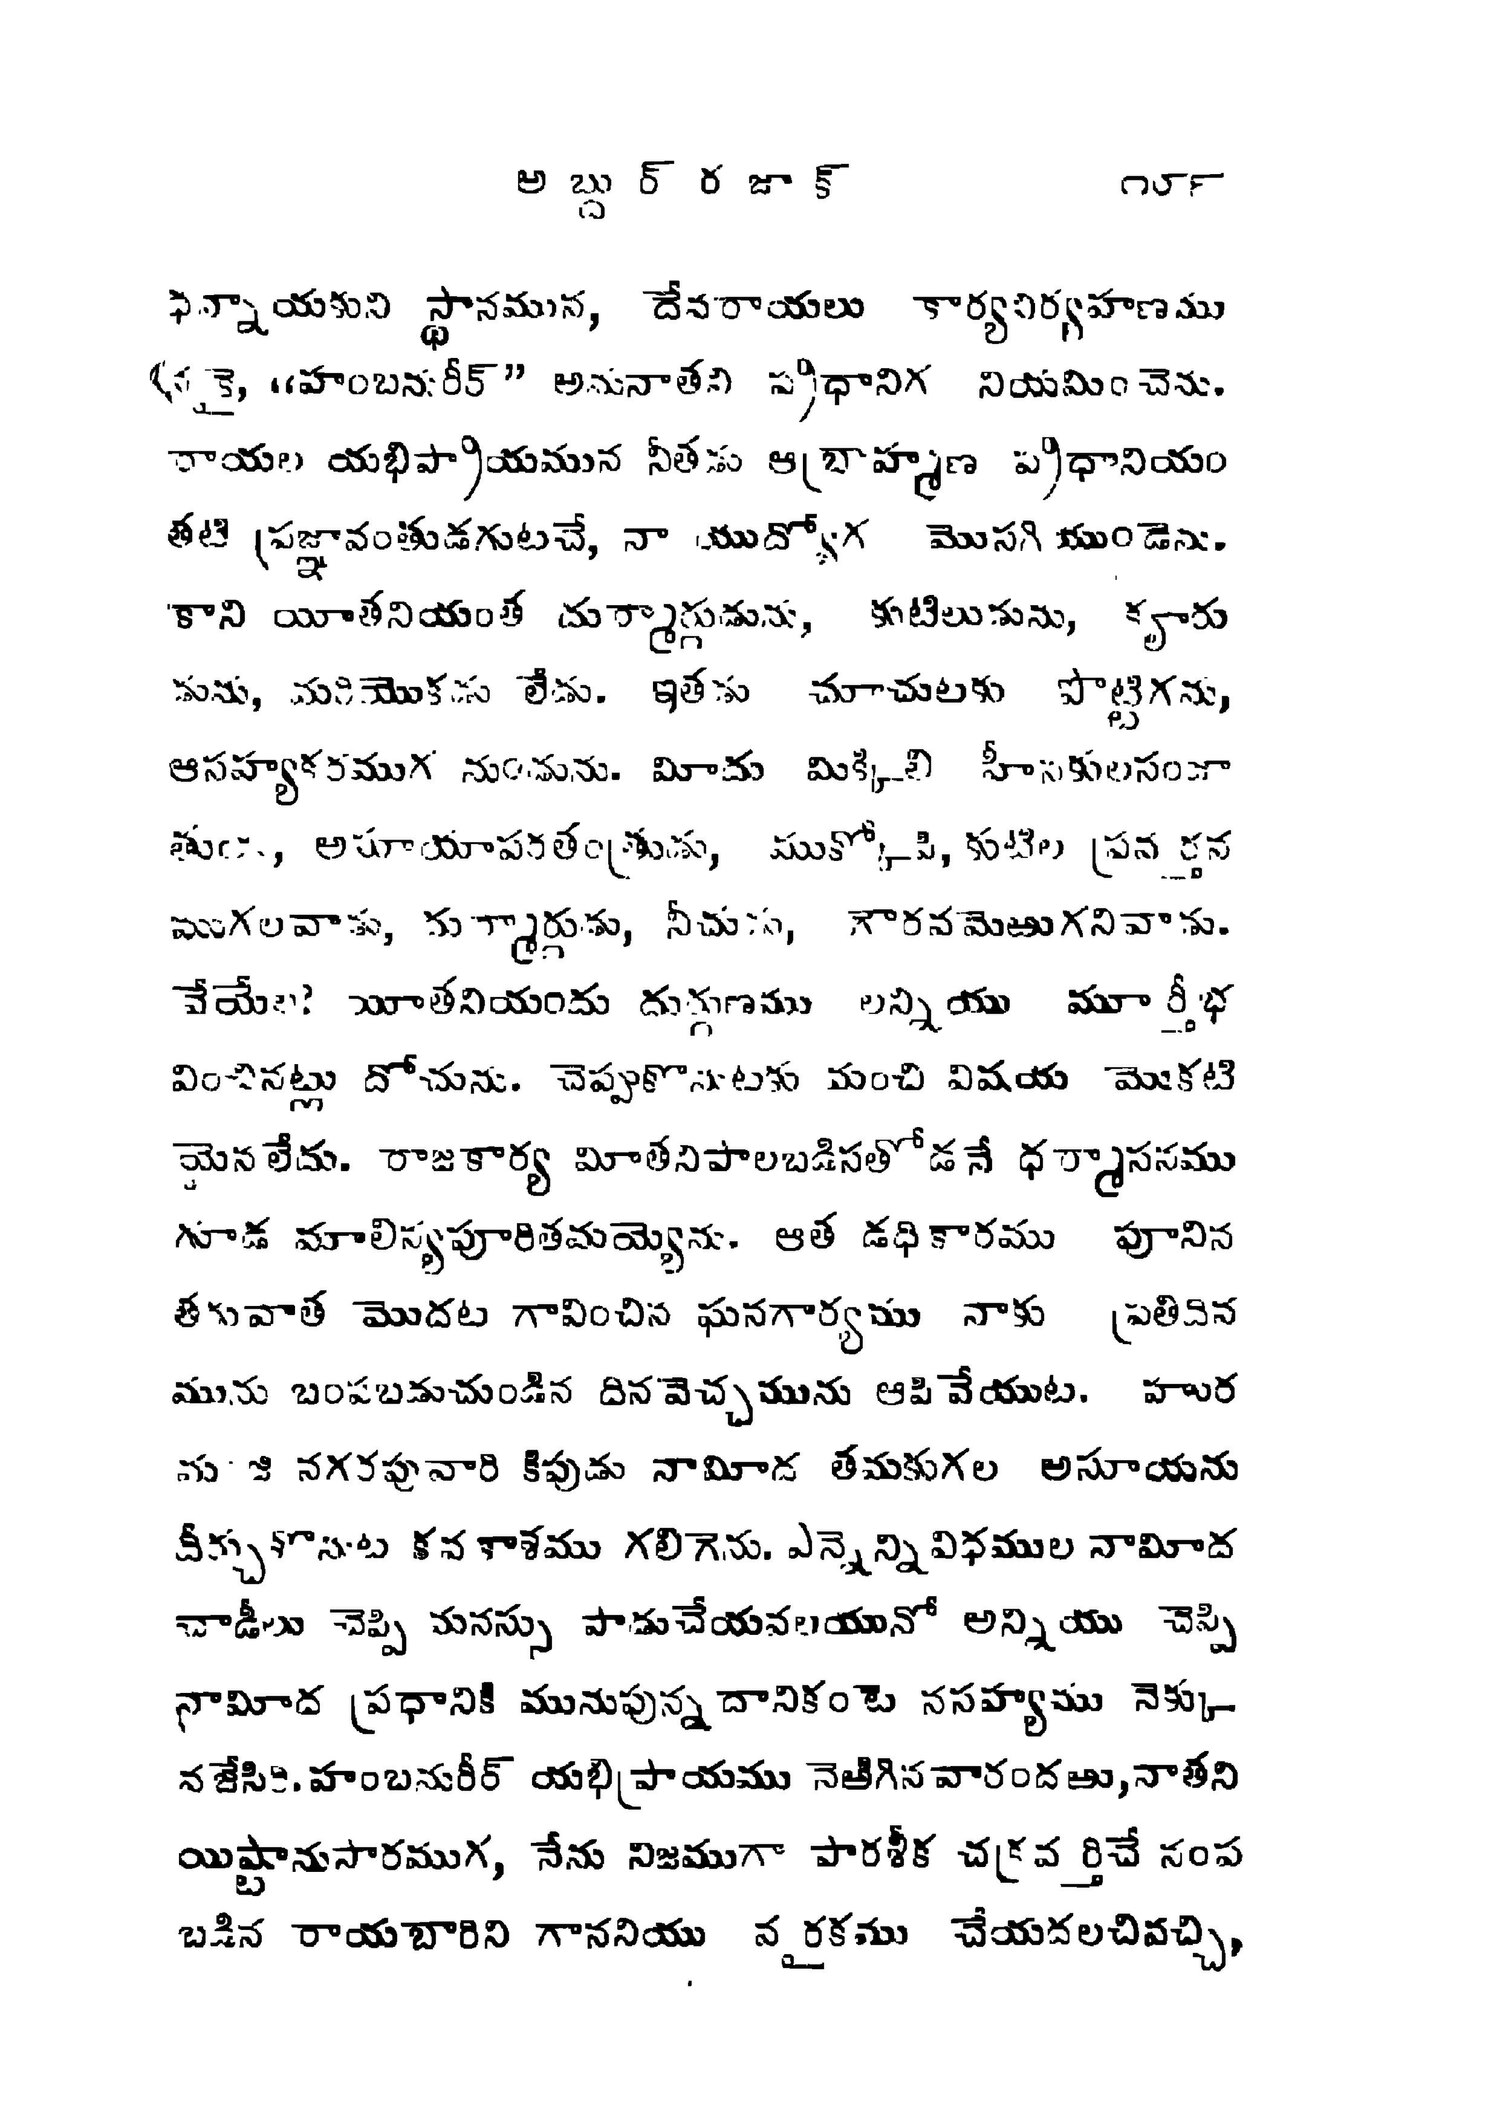ధన్నాయకుని స్థానమున, దేవరాయలు కార్యనిర్వహణమునకై "హంబనురీర్" అనునాతని ప్రధానిగ నియమించెను. రాయల యభిప్రాయమున నీతడు ఆబ్రాహ్మణ ప్రధానియంతటి ప్రజ్ఞావంతుడగుటచే, నా యుద్యోగ మొసగియుండెను. కాని యీతనియంత దుర్మార్గుడును, కుటిలుడును, కౄరుడును, మరియొకడు లేడు. ఇతడు చూచుటకు పొట్టిగను, ఆసహ్యకరముగ నుండును. మీదు మిక్కిలి హీనకుల సంజాతులు, అసూయా పరతంత్రుడు, ముక్కోపి, కుటిల ప్రవర్తనము గలవాడు, దుర్మార్గుడు, నీచుడు, గౌరవమెఱుగనివాడు. వేయేల? యీతనియందు దుర్గుణము లన్నియు మూర్తీభవించినట్లు దోచును. చెప్పుకొనుటకు మంచివిషయ మొకటియైనలేదు. రాజకార్య మీతనిపాలబడిన తోడనే ధర్మాసనము గూడ మాలిన్యపూరిత మయ్యెను. ఆత డధికారము పూనిన తరువాత మొదట గావించిన ఘనకార్యము నాకు ప్రతిదినమును బంపబడు చుండిన దినవెచ్చమును ఆపివేయుట. హురమంజి నగరపువారి కిపుడు నామీద తమకుగల అసూయను దీర్చుకొనుట కవకాశము గలిగెను. ఎన్నెన్ని విధముల నామీద చాడీలు చెప్పి మనస్సు పాడుచేయ వలయునో అన్నియు చెప్పి నామీద ప్రధానికి మునుపున్న దానికంటె నసహ్యము నెక్కువజేసిరి. హంబనురీర్ యభిప్రాయము నెఱిగిన వారందఱు, నాతని యిష్టానుసారముగ, నేను నిజముగా పారశీక చక్రవర్తిచే నంపబడిన రాయబారిని గాననియు వర్తకము చేయదలచివచ్చి,